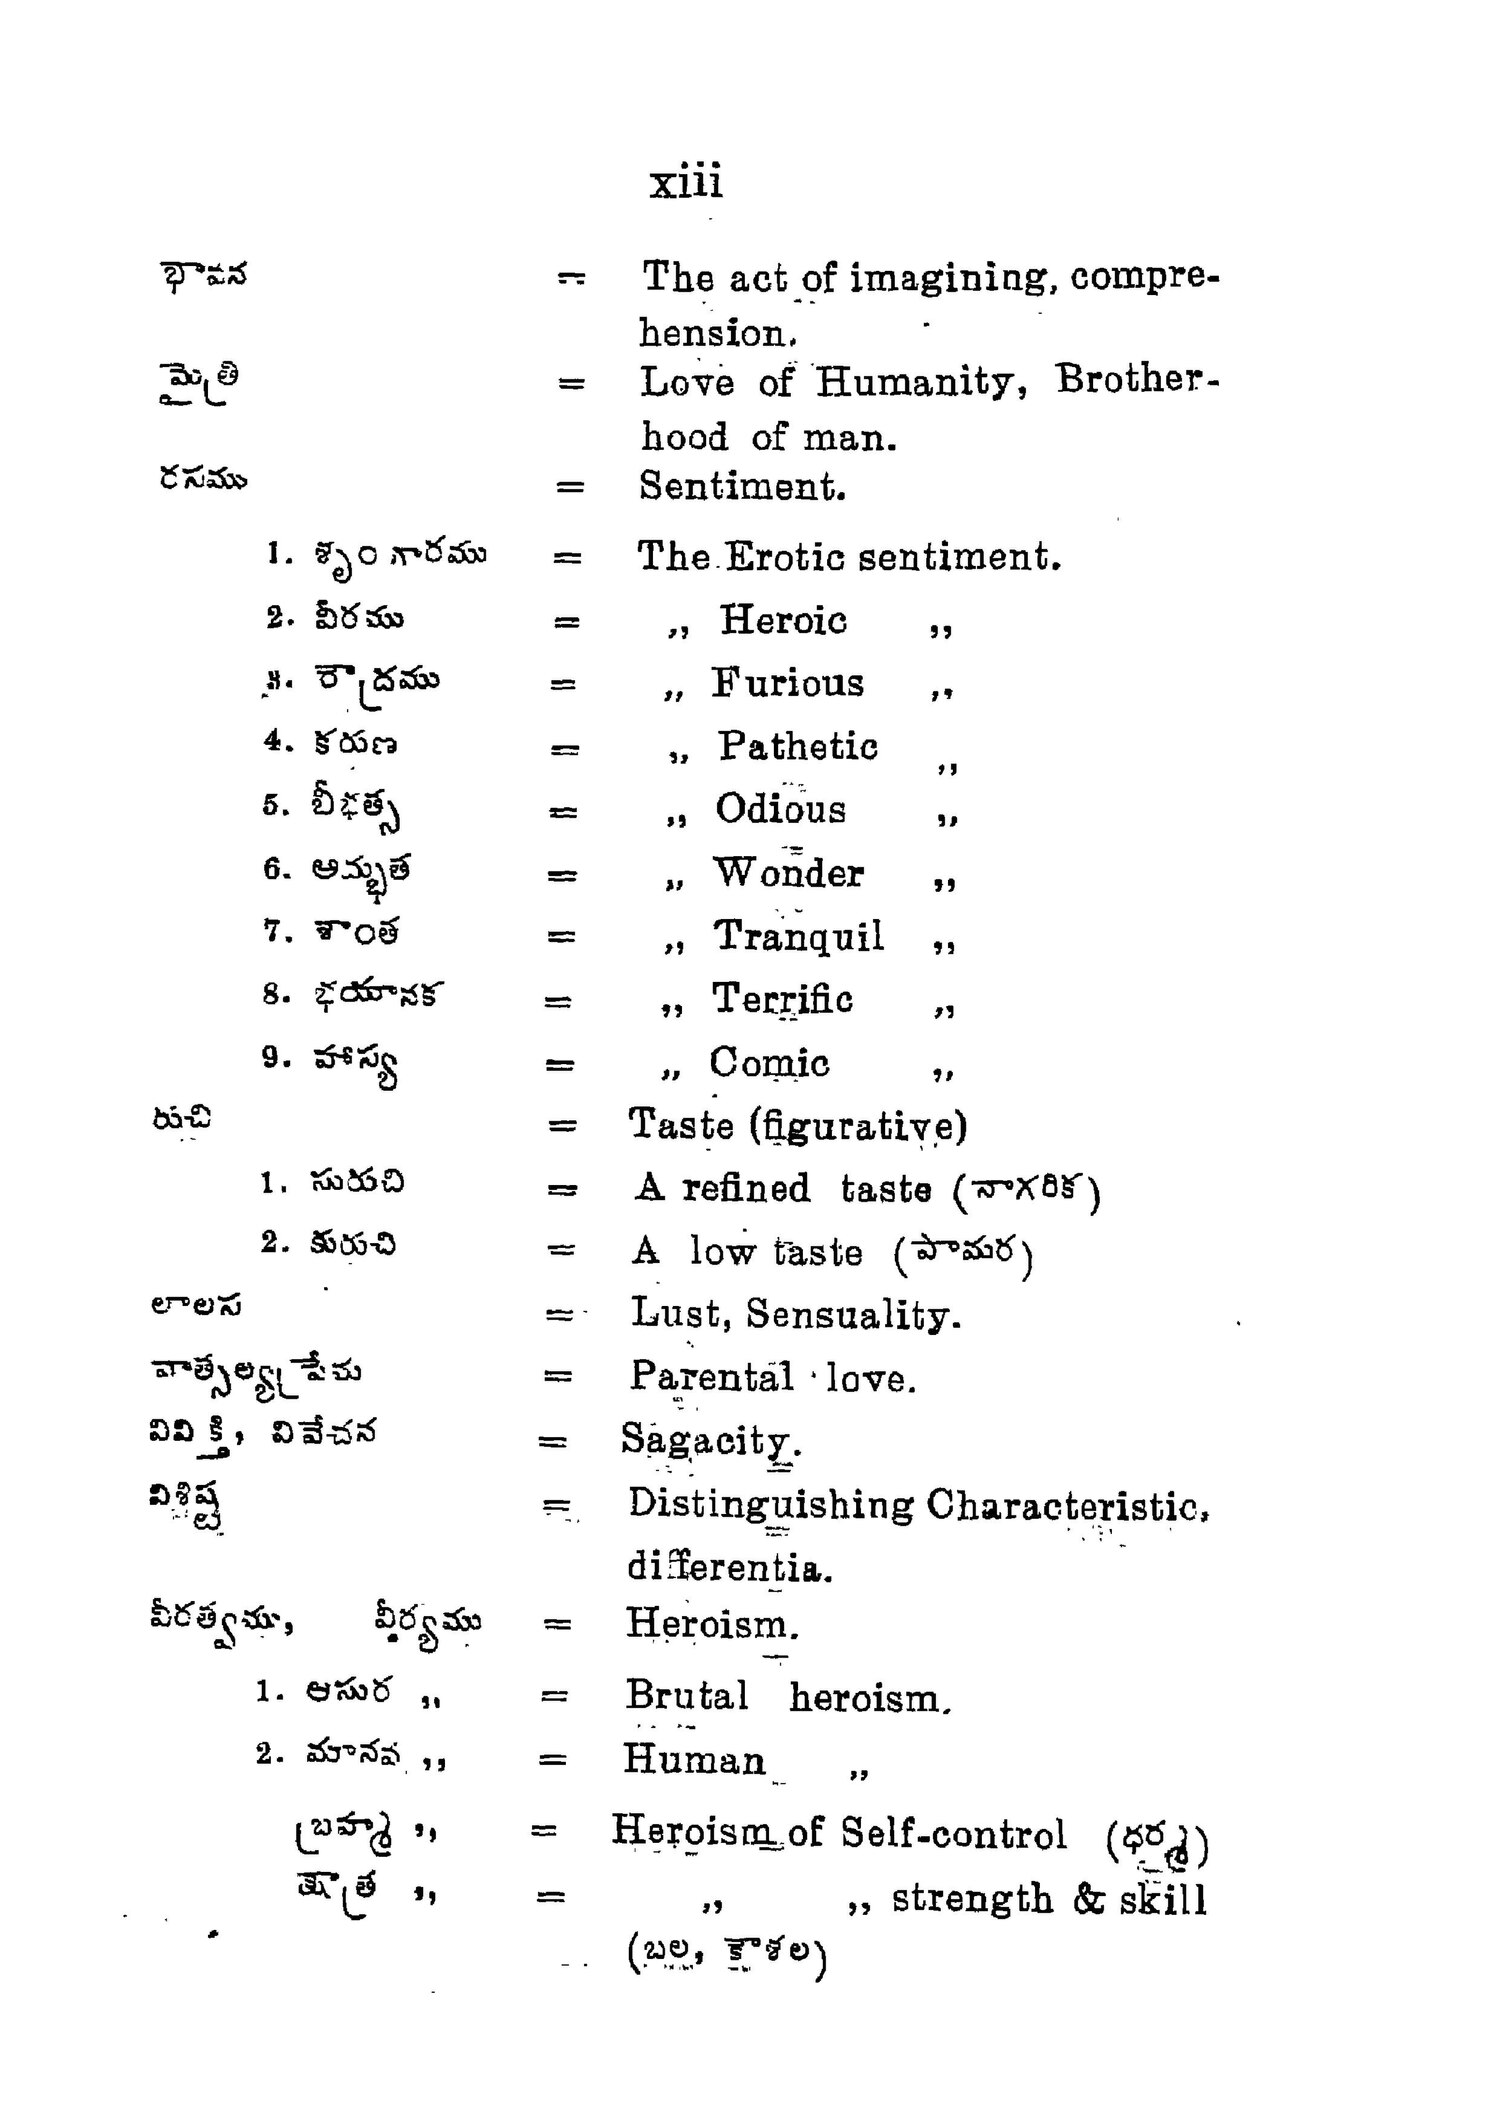భావన The act of imagining, comprehension. మైత్రి Love of Humanity, Brother-hood of man. రసము Sentiment. 1. శృంగారము The Erotic sentiment. 2. వీరము The Heroic sentiment. 3. రౌద్రము The Furious sentiment. 4. కరుణ The pathetic sentiment 5. బీభత్స The Odious sentiment. 6. అద్భుత The Wonder sentiment 7. శాంత The Tranquil sentiment. 8. భయానక The Terrific sentiment. 9. హాస్య The Comic sentiment. రుచి Taste (figurative) 1. సురుచి A refined taste (నాగరిక) 2. కురుచి A low taste (పామర) లాలస Lust, sensuality. వాత్సల్యప్రేమ Parental Love వివిక్తి, వివేచన Sagacity. విశిష్ట Distinguishing Characteristic. differentia. వీరత్వము, వీర్యము Heroism. 1. అసుర వీర్యము Brutal heroism. 2. మానవ వీర్యము Human heroism బ్రహ్మ వీర్యము Heroism of self-control (ధర్మ) క్షాత్ర వీర్యము Heroism of seif strenth & skill (బల, కౌశల)